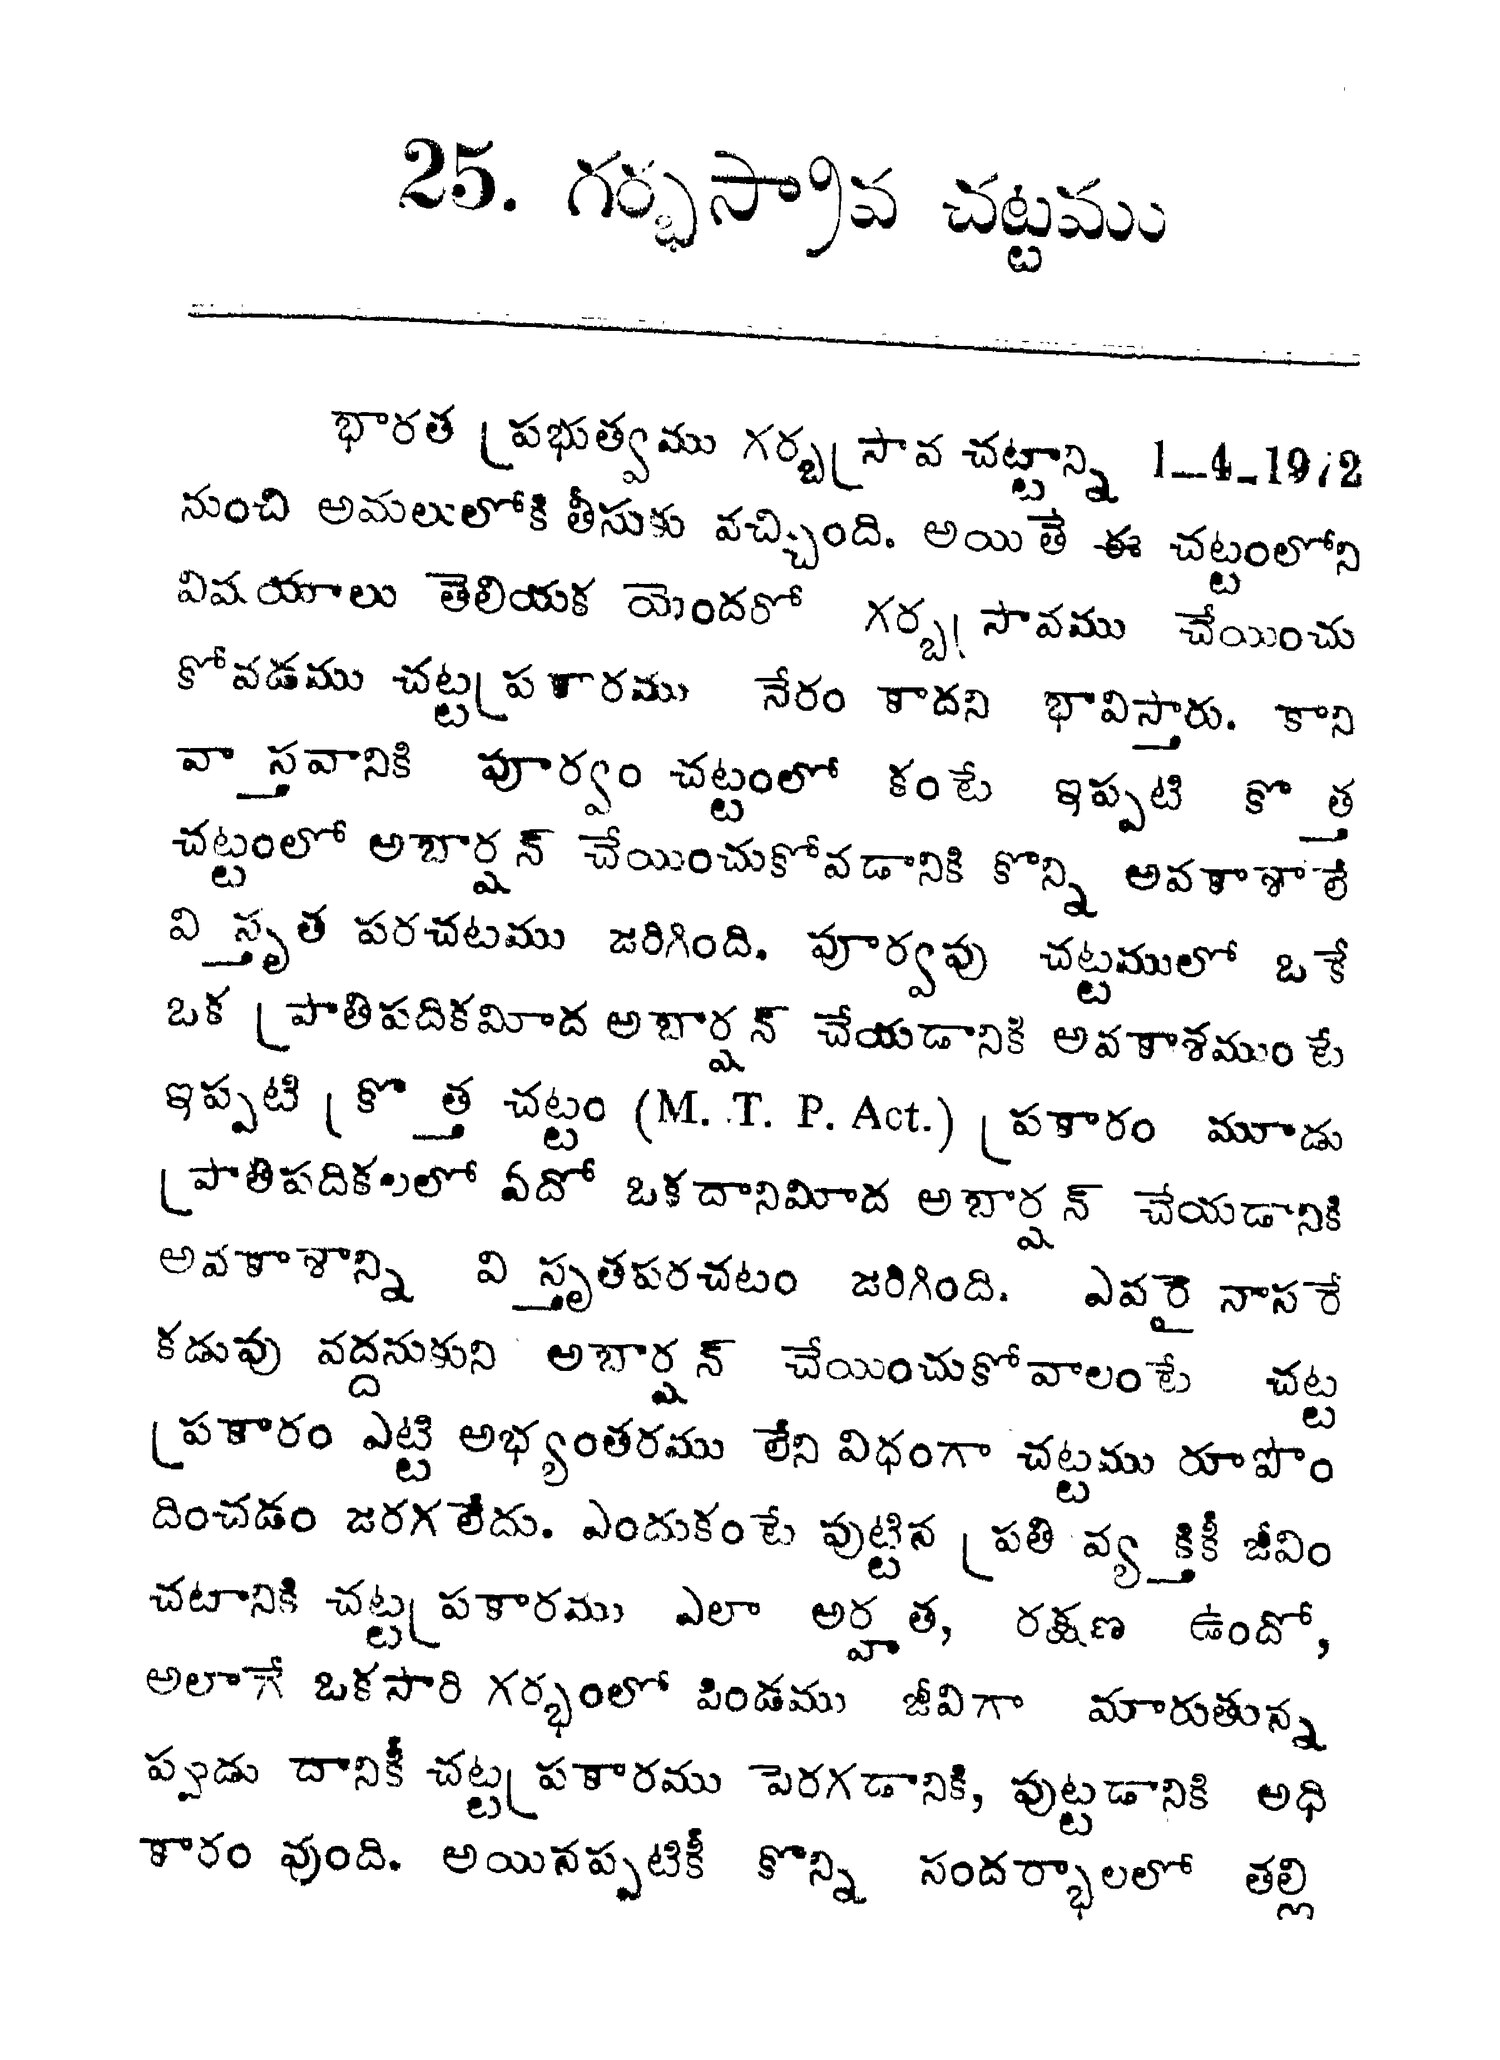భారత ప్రభుత్వము గర్భస్రావ చట్టాన్ని 1-4-1972 నుంచి అమలులోకి తీసుకు వచ్చింది. అయితే ఈ చట్టంలోని విషయాలు తెలియక యెందరో గర్భస్రావము చేయించుకోవడము చట్టప్రకారం నేరం కాదని భావిస్తారు. కాని వాస్తవానికి పూర్వం చట్టంలో కంటే ఇప్పటి కొత్త చట్టంలో అబార్షన్ చేయించుకోవడానికి కొన్ని అవకాశాలే విస్తృత పరచటము జరిగింది. పూర్వపు చట్టములో ఒకే ఒక ప్రాతిపదికమీద అబార్షన్ చేయడానికి అవకాశముంటే ఇప్పటి క్రొత్త చట్టం (M.T.P.Act.) ప్రకారం మూడు ప్రాతిపదికలలో ఏదో ఒక దానిమీద అబార్షన్ చేయడానికి అవకాశాన్ని విస్తృతపరచటం జరిగింది. ఎవరైనాసరే కడుపు వద్దనుకుని అబార్షన్ చేయించుకోవాలంటే చట్ట ప్రకారం ఎట్టి అభ్యంతరము లేని విధంగా చట్టము రూపొందించడం జరగలేదు. ఎందుకంటే పుట్టిన ప్రతివ్యక్తికీ జీవించటానికి చట్టప్రకారము ఎలా అర్హత, రక్షణఉందో, అలాగే ఒకసారి గర్భంలో పిండము జీవిగా మారున్నప్పుడు దానికీ చట్టప్రకారము పెరగడానికి, పుట్టడానికి అధికారం వుంది. అయినప్పటికీ కొన్ని సందర్భాలలో తల్లి